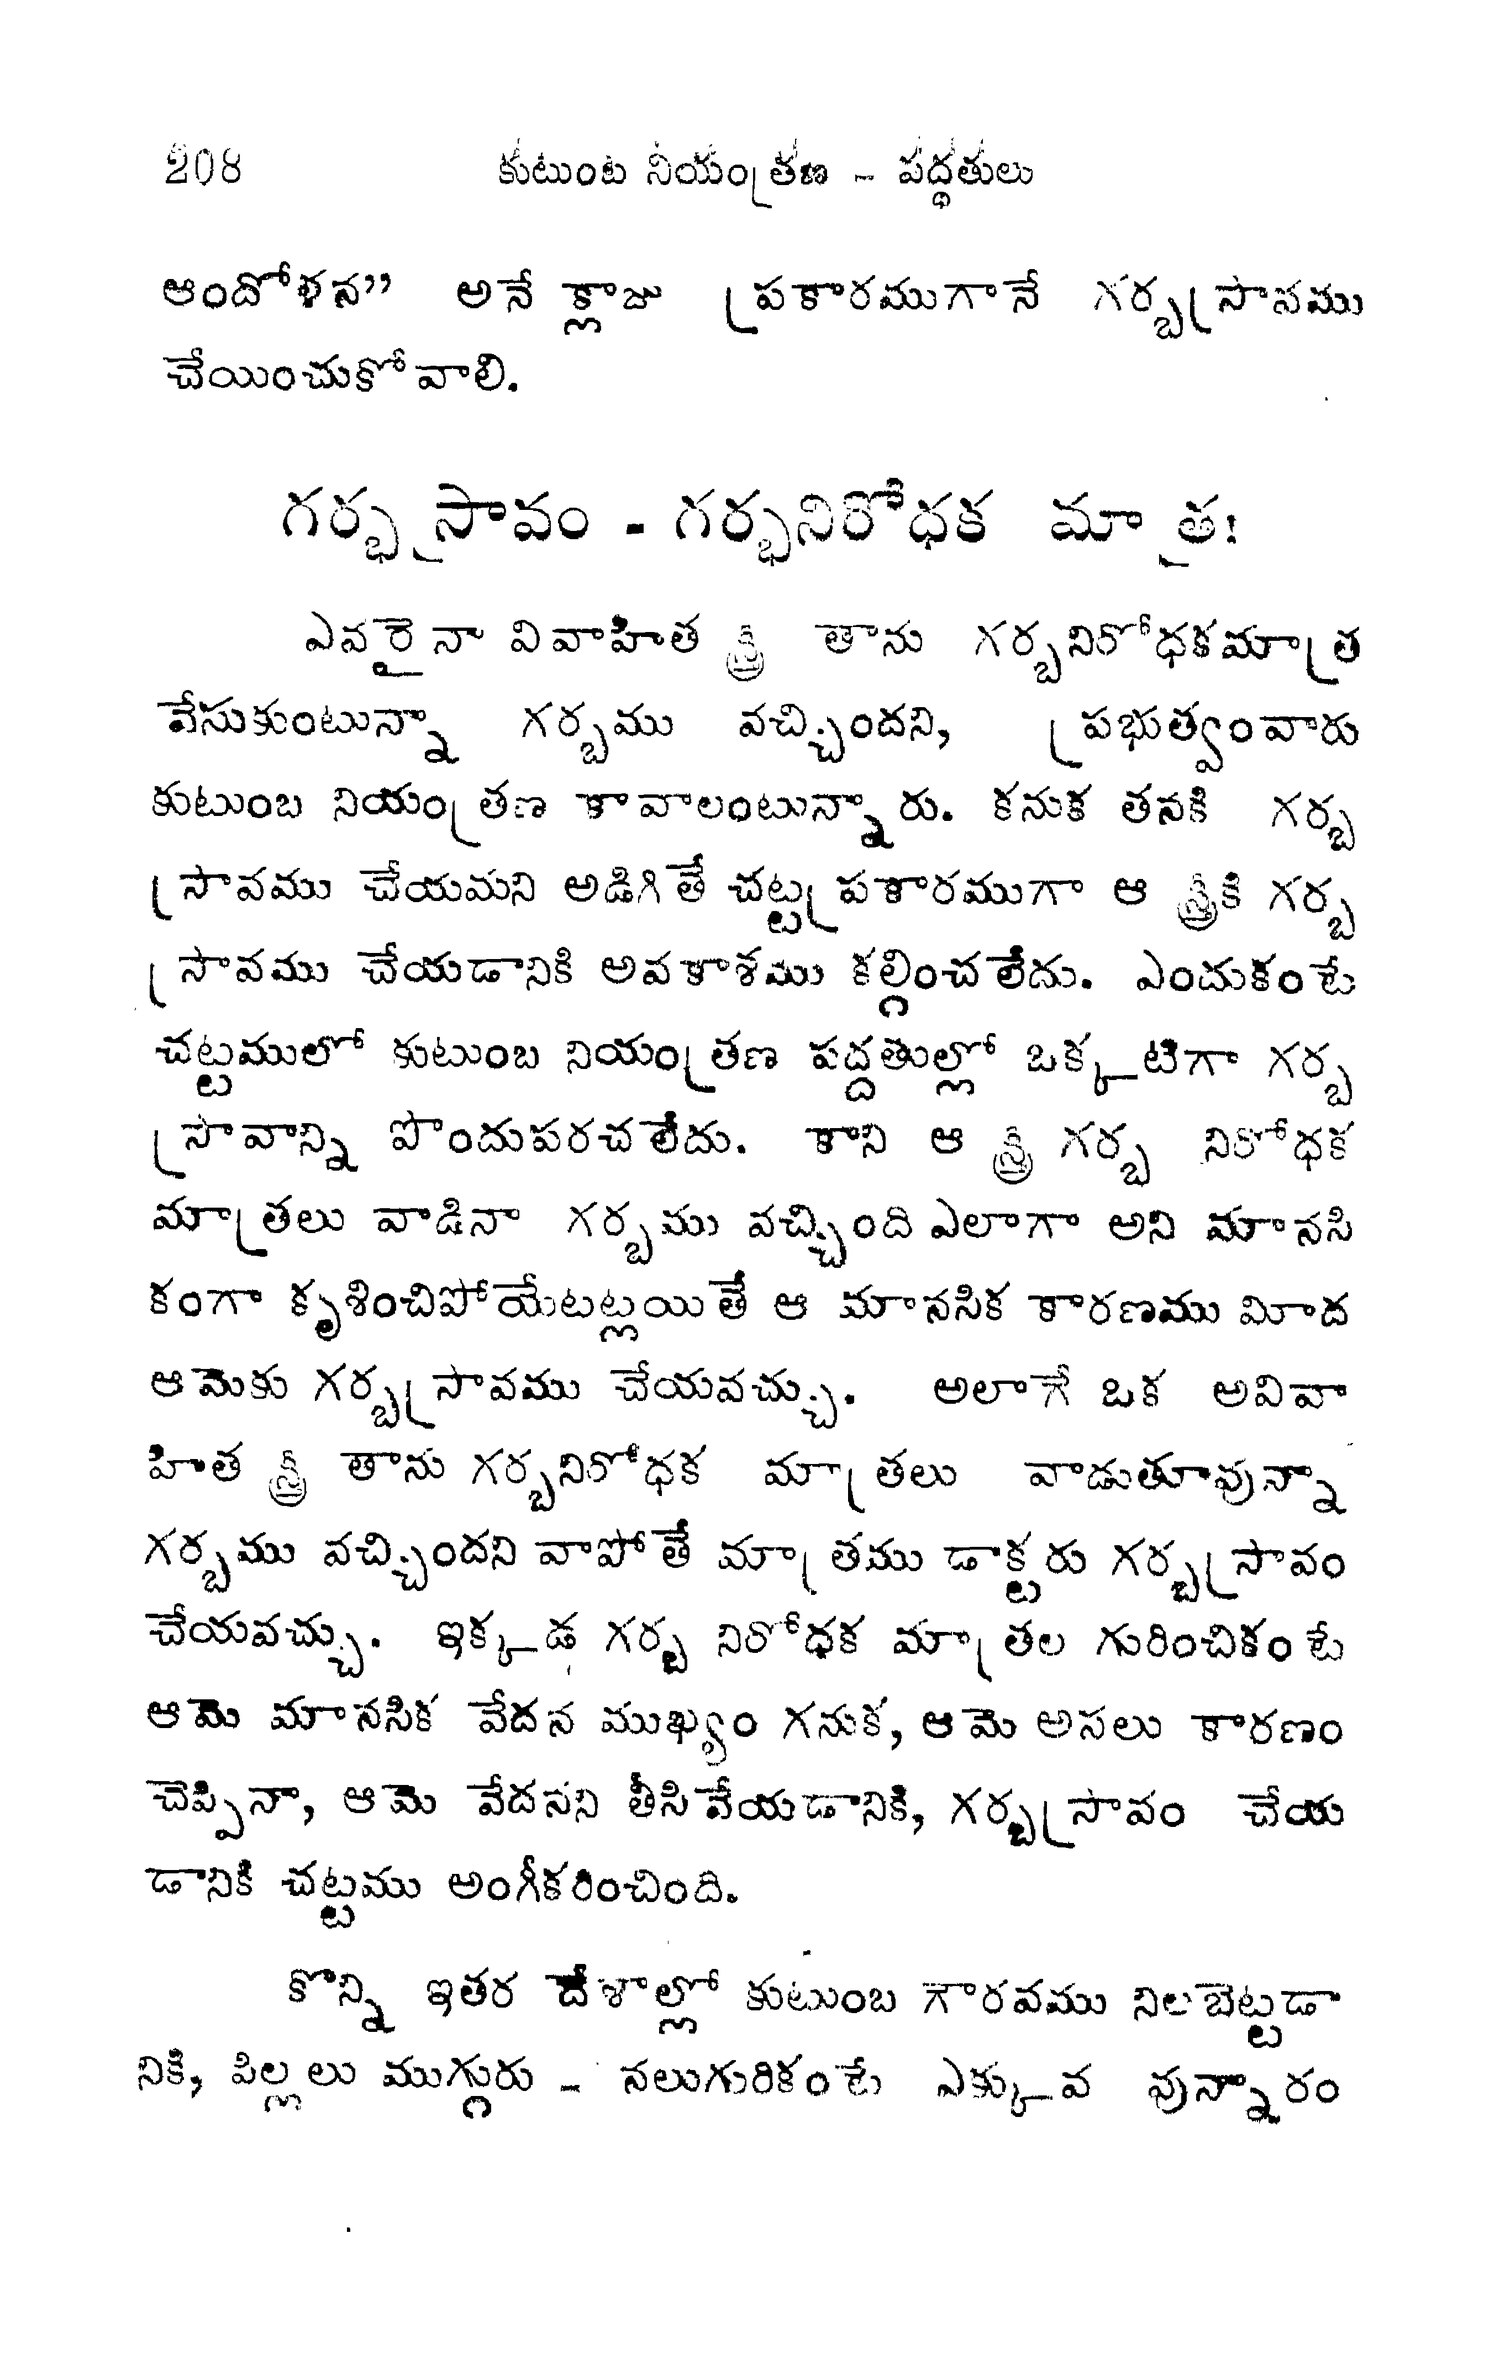ఆందోళన“ అనే క్లాజు ప్రకారముగానే స్రావము చేయించుకోవాలి.

ఎవరైనా వివాహిత స్త్రీ తాను గర్భనిరోధకమాత్ర వేసుకుంటున్నా గర్భము వచ్చిందని, ప్రభుత్వంవారు కుటుంబ నియంత్రణ కావాలంటున్నారు. కనుక తనకి గర్భస్రావము చేయమని అడిగితే చట్టప్రకారముగా ఆస్త్రీకి గర్భస్రావము చేయడానికి అవకాశములేదు. ఎందుకంటే చట్టములో కుటుంబ నియంత్రణ పద్దతుల్లో ఒక్కటిగా గర్భస్రావాన్ని పొందుపరచలేదు. కాని ఆస్త్రీ గర్భ నిరోధక మాత్రలు వాడినా గర్భము వచ్చింది ఎలాగ అని మానసికంగా కృశించిపోయేటట్లయితే ఆమానసిక కారణము మీద ఆమెకు గర్భస్రావము చేయవచ్చు. అలాగే ఒక అవివాహిత స్త్రీ తాను గర్భనిరోధక మాత్రలు వాడుతున్నా గర్భమువచ్చిందని వాపోతే మాత్రము డాక్టరు గర్భస్రావం చేయవచ్చు. ఇక్కడ గర్భ నిరోదక మాత్రల గురించికంటే ఆమె మానసిక వేదన ముఖ్యం గనుక, ఆమె అసలు కారణం చెప్పినా, ఆమె వేదనని తీసివేయడానికి, గర్భస్రావం చేయడానికి చట్టం అంగీకరించింది.

కొన్ని ఇతర దేశాల్లో కుటుంబ గౌరవము నిలబెట్టడానికి, పిల్లలు ముగ్గురు - నలుగురికంటే ఎక్కువ వున్నారం-